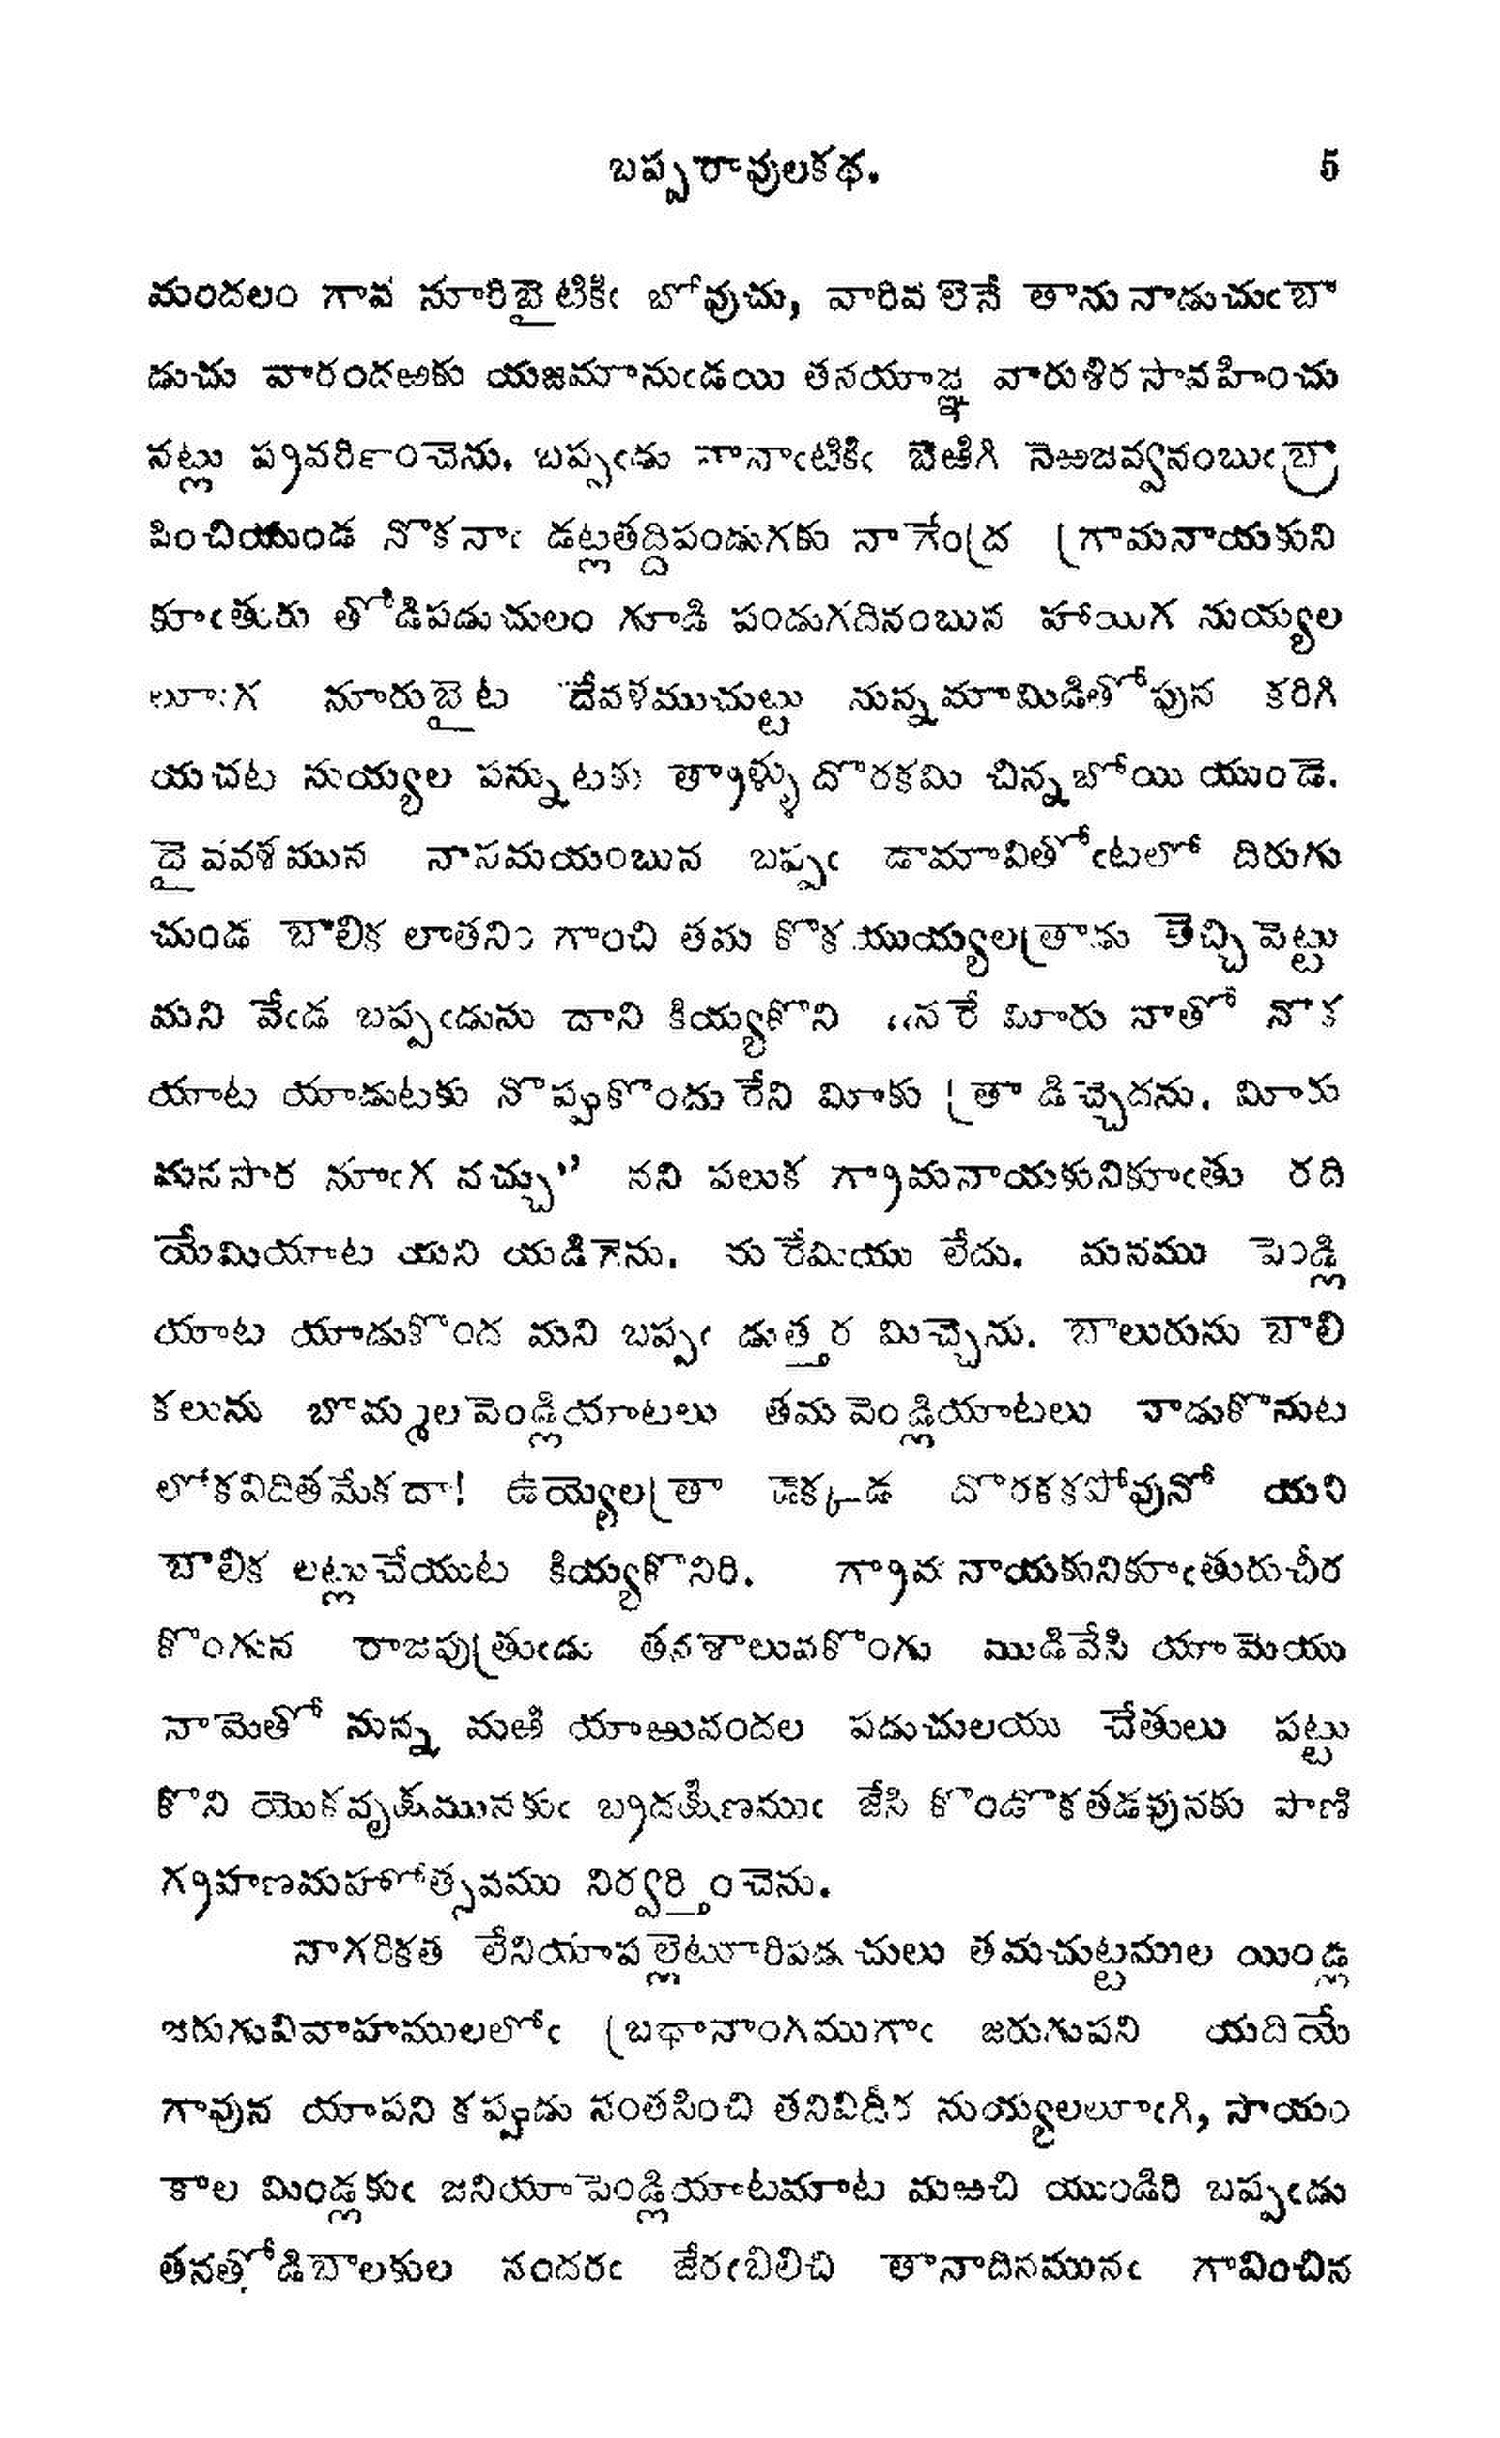మందలం గావ నూరి బైటికిఁ బోవుచు, వారివలెనే తాను నాడుచుఁ బాడుచు వారందఱకు యజమానుఁడయి తనయాజ్ఞ వారు శిరసావహించునట్లు ప్రవరి౯ంచెను. బప్పఁడు నానాఁటికిఁ బెఱిగి నెఱజవ్వనంబుఁ బ్రాపించి యుండ నొకనాఁ డట్లతద్ది పండుగకు నాగేంద్ర గ్రామనాయకుని కూఁతురు తోడిపడుచులం గూడి పండుగదినంబున హాయిగ నుయ్యల
లూగ నూరు బైట 'దేవళముచుట్టు నున్న మామిడి తోపున కరిగి యచట నుయ్యల పన్నుటకు త్రాళ్ళు దొరకమి చిన్నబోయి యుండె, దైవవశమున నాసమయంబున బప్పఁ డామావితోటలో దిరుగు చుండ బాలిక లాతనిం గాంచి తమ కొక యుయ్యలత్రాడు తెచ్చి పెట్టుమని వేఁడ బప్పఁడును దాని కియ్యకోని "సరే మీరు నాతో నొక యాట యాడుటకు నొప్పుకొందు రేని మీకు త్రాడిచ్చెదను, మీరు మనసార నూఁగ నచ్చు" నని పలుక గ్రామనాయకునికూఁతు రది యేమియాట యని యడిగెను. మరేమియు లేదు.మనము పెండ్లి యాట యాడుకొంద మని బప్పఁ డుత్తర మిచ్చెను. బాలురును బాలికలును బొమ్మల పెండ్లియాటలు తమ పెండ్లి యాటలు నాడుకొనుట లోకవిదితమేకదా! ఉయ్యెలత్రా డెక్కడ దొరకకపోవునో యని బాలిక లట్లు చేయుట కియ్యకొనిరి. గ్రామ నాయకునికూఁతురుచీర కొంగున రాజపుత్రుఁడు తన శాలువకొంగు ముడివేసి యామెయు నామెతో నున్న మణి యాఱువందల పడుచులయు చేతులు పట్టుకొని యొక వృక్షమునకుఁ బ్రదక్మిణముఁ జేసి కొండొక తడవునకు పాణిగ్రహణ మహోత్సవము నిర్వర్తించెను.

నాగరికత లేనియాపల్లెటూరిపడుచులు తమచుట్టముల యిండ్ల జరుగువివాహములలోఁ బ్రధానాంగముగాఁ జరుగుపని యదియే గావున యాపని కప్పుడు సంతసించి తనివిదీర నుయ్యలలూఁగి, సాయం కాల మిండ్లకుఁ జనియా పెండ్లియాటమాట మఱచి యుండిరి బప్పఁడు తనతోడి బాలకుల నందరఁ జేరఁబిలిచి తానాదినమునఁ గావించిన